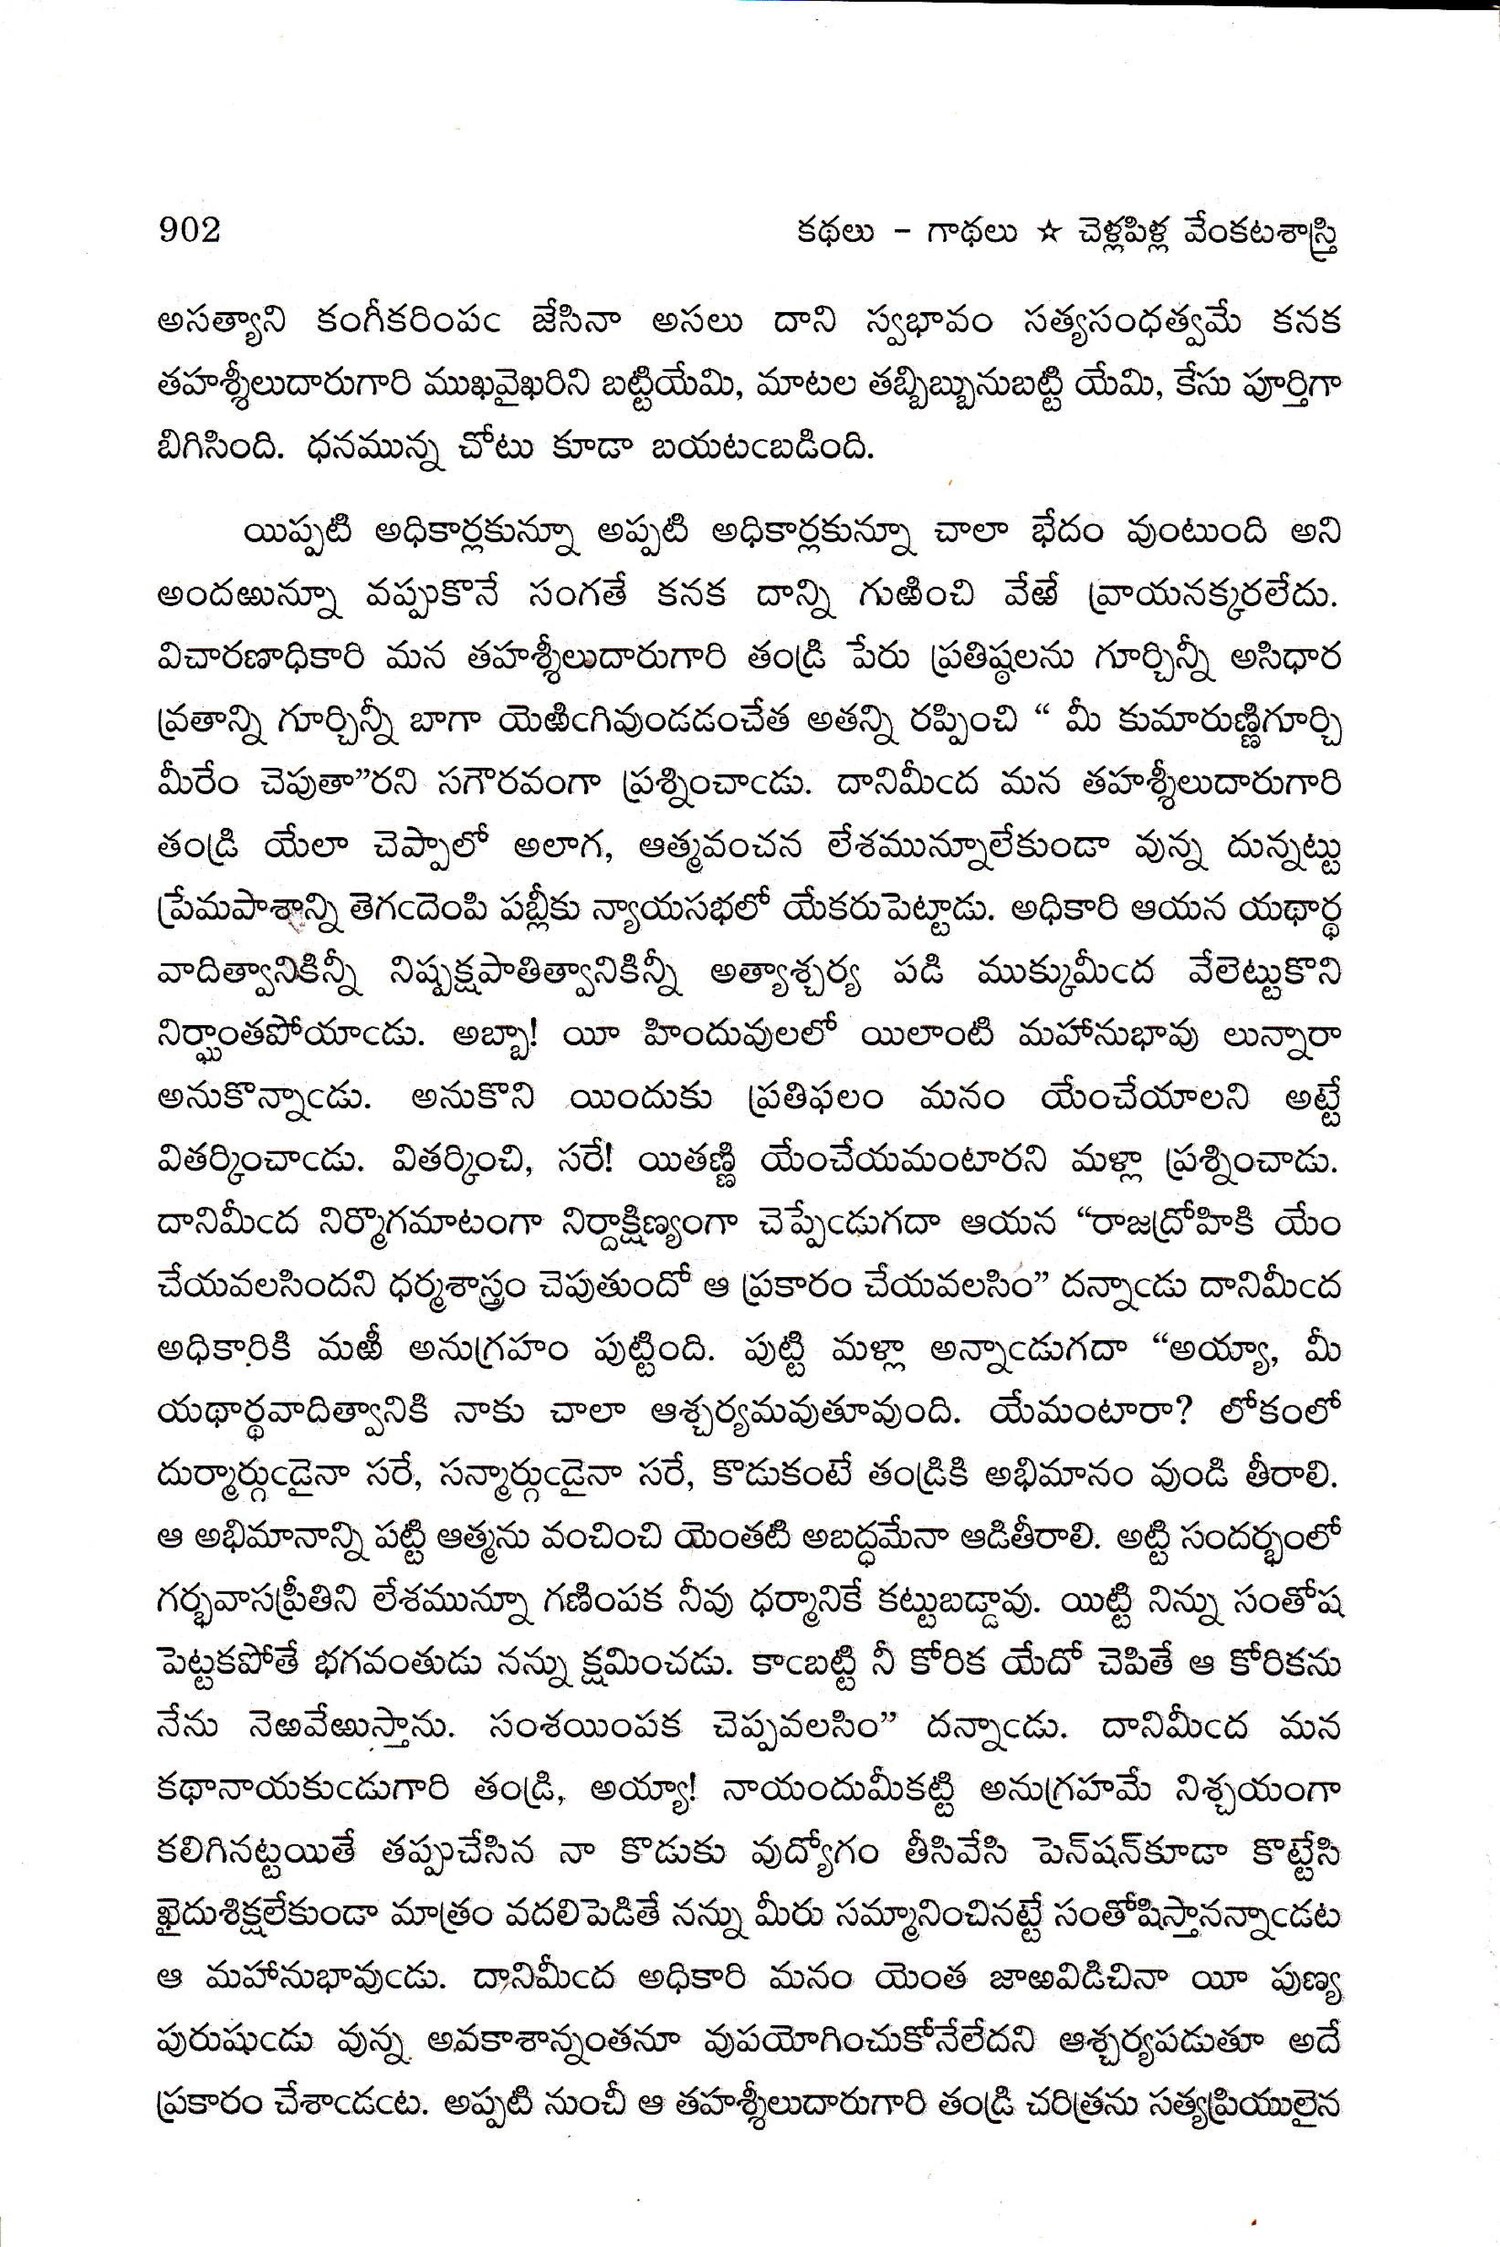అసత్యాని కంగీకరింపఁ జేసినా అసలు దాని స్వభావం సత్యసంధత్వమే కనక తహశ్శీలుదారుగారి ముఖవైఖరిని బట్టియేమి, మాటల తబ్బిబ్బునుబట్టి యేమి, కేసు పూర్తిగా బిగిసింది. ధనమున్న చోటు కూడా బయటఁబడింది.

యిప్పటి అధికార్లకున్నూ అప్పటి అధికార్లకున్నూ చాలా భేదం వుంటుంది అని అందఱున్నూ వప్పుకొనే సంగతే కనక దాన్ని గుఱించి వేఱే వ్రాయనక్కరలేదు. విచారణాధికారి మన తహశ్ళీలుదారుగారి తండ్రి పేరు ప్రతిష్ఠలను గూర్చిన్నీ అసిధార వ్రతాన్ని గూర్చిన్నీ బాగా యెఱిఁగివుండడంచేత అతన్ని రప్పించి " మీ కుమారుణ్ణిగూర్చి మీరేం చెపుతా"రని సగౌరవంగా ప్రశ్నించాఁడు. దానిమీఁద మన తహశ్ళీలుదారుగారి తండ్రి యేలా చెప్పాలో అలాగ, ఆత్మవంచన లేశమున్నూలేకుండా వున్న దున్నట్లు ప్రేమపాశాన్ని తెగఁదెంపి పబ్లీకు న్యాయసభలో యేకరుపెట్టాడు. అధికారి ఆయన యథార్థ వాదిత్వానికిన్నీ నిష్పక్షపాతిత్వానికిన్నీ అత్యాశ్చర్య పడి ముక్కుమీఁద వేలెట్టుకొని నిర్ఘాంతపోయాఁడు. అబ్బా! యీ హిందువులలో యిలాంటి మహానుభావు లున్నారా అనుకొన్నాఁడు. అనుకొని యిందుకు ప్రతిఫలం మనం యేంచేయాలని అట్టే వితర్కించాఁడు. వితర్కించి, సరే! యితణ్ణి యేంచేయమంటారని మళ్లా ప్రశ్నించాడు. దానిమీఁద నిర్మొగమాటంగా నిర్దాక్షిణ్యంగా చెప్పేఁడుగదా ఆయన “రాజద్రోహికి యేం చేయవలసిందని ధర్మశాస్త్రం చెపుతుందో ఆ ప్రకారం చేయవలసిం” దన్నాఁడు దానిమీఁద అధికారికి మఱీ అనుగ్రహం పుట్టింది. పుట్టి మళ్లా అన్నాఁడుగదా “అయ్యా, మీ యథార్థవాదిత్వానికి నాకు చాలా ఆశ్చర్యమవుతూవుంది. యేమంటారా? లోకంలో దుర్మార్గుఁడైనా సరే, సన్మార్గుఁడైనా సరే, కొడుకంటే తండ్రికి అభిమానం వుండి తీరాలి. ఆ అభిమానాన్ని పట్టి ఆత్మను వంచించి యెంతటి అబద్ధమేనా ఆడితీరాలి. అట్టి సందర్భంలో గర్భవాసప్రీతిని లేశమున్నూ గణింపక నీవు ధర్మానికే కట్టుబడ్డావు. యిట్టి నిన్ను సంతోష పెట్టకపోతే భగవంతుడు నన్ను క్షమించడు. కాఁబట్టి నీ కోరిక యేదో చెపితే ఆ కోరికను నేను నెఱవేఱుస్తాను. సంశయింపక చెప్పవలసిం” దన్నాఁడు. దానిమీఁద మన కథానాయకుఁడుగారి తండ్రి, అయ్యా! నాయందుమీకట్టి అనుగ్రహమే నిశ్చయంగా కలిగినట్టయితే తప్పుచేసిన నా కొడుకు వుద్యోగం తీసివేసి పెన్‌షన్‌కూడా కొట్టేసి ఖైదుశిక్షలేకుండా మాత్రం వదలిపెడితే నన్ను మీరు సమ్మానించినట్టే సంతోషిస్తానన్నాఁడట ఆ మహానుభావుఁడు. దానిమీఁద అధికారి మనం యెంత జాఱవిడిచినా యీ పుణ్య పురుషుఁడు వున్న అవకాశాన్నంతనూ వుపయోగించుకోనేలేదని ఆశ్చర్యపడుతూ అదే ప్రకారం చేశాఁడఁట. అప్పటి నుంచీ ఆ తహశ్ళీలుదారుగారి తండ్రి చరిత్రను సత్యప్రియులైన